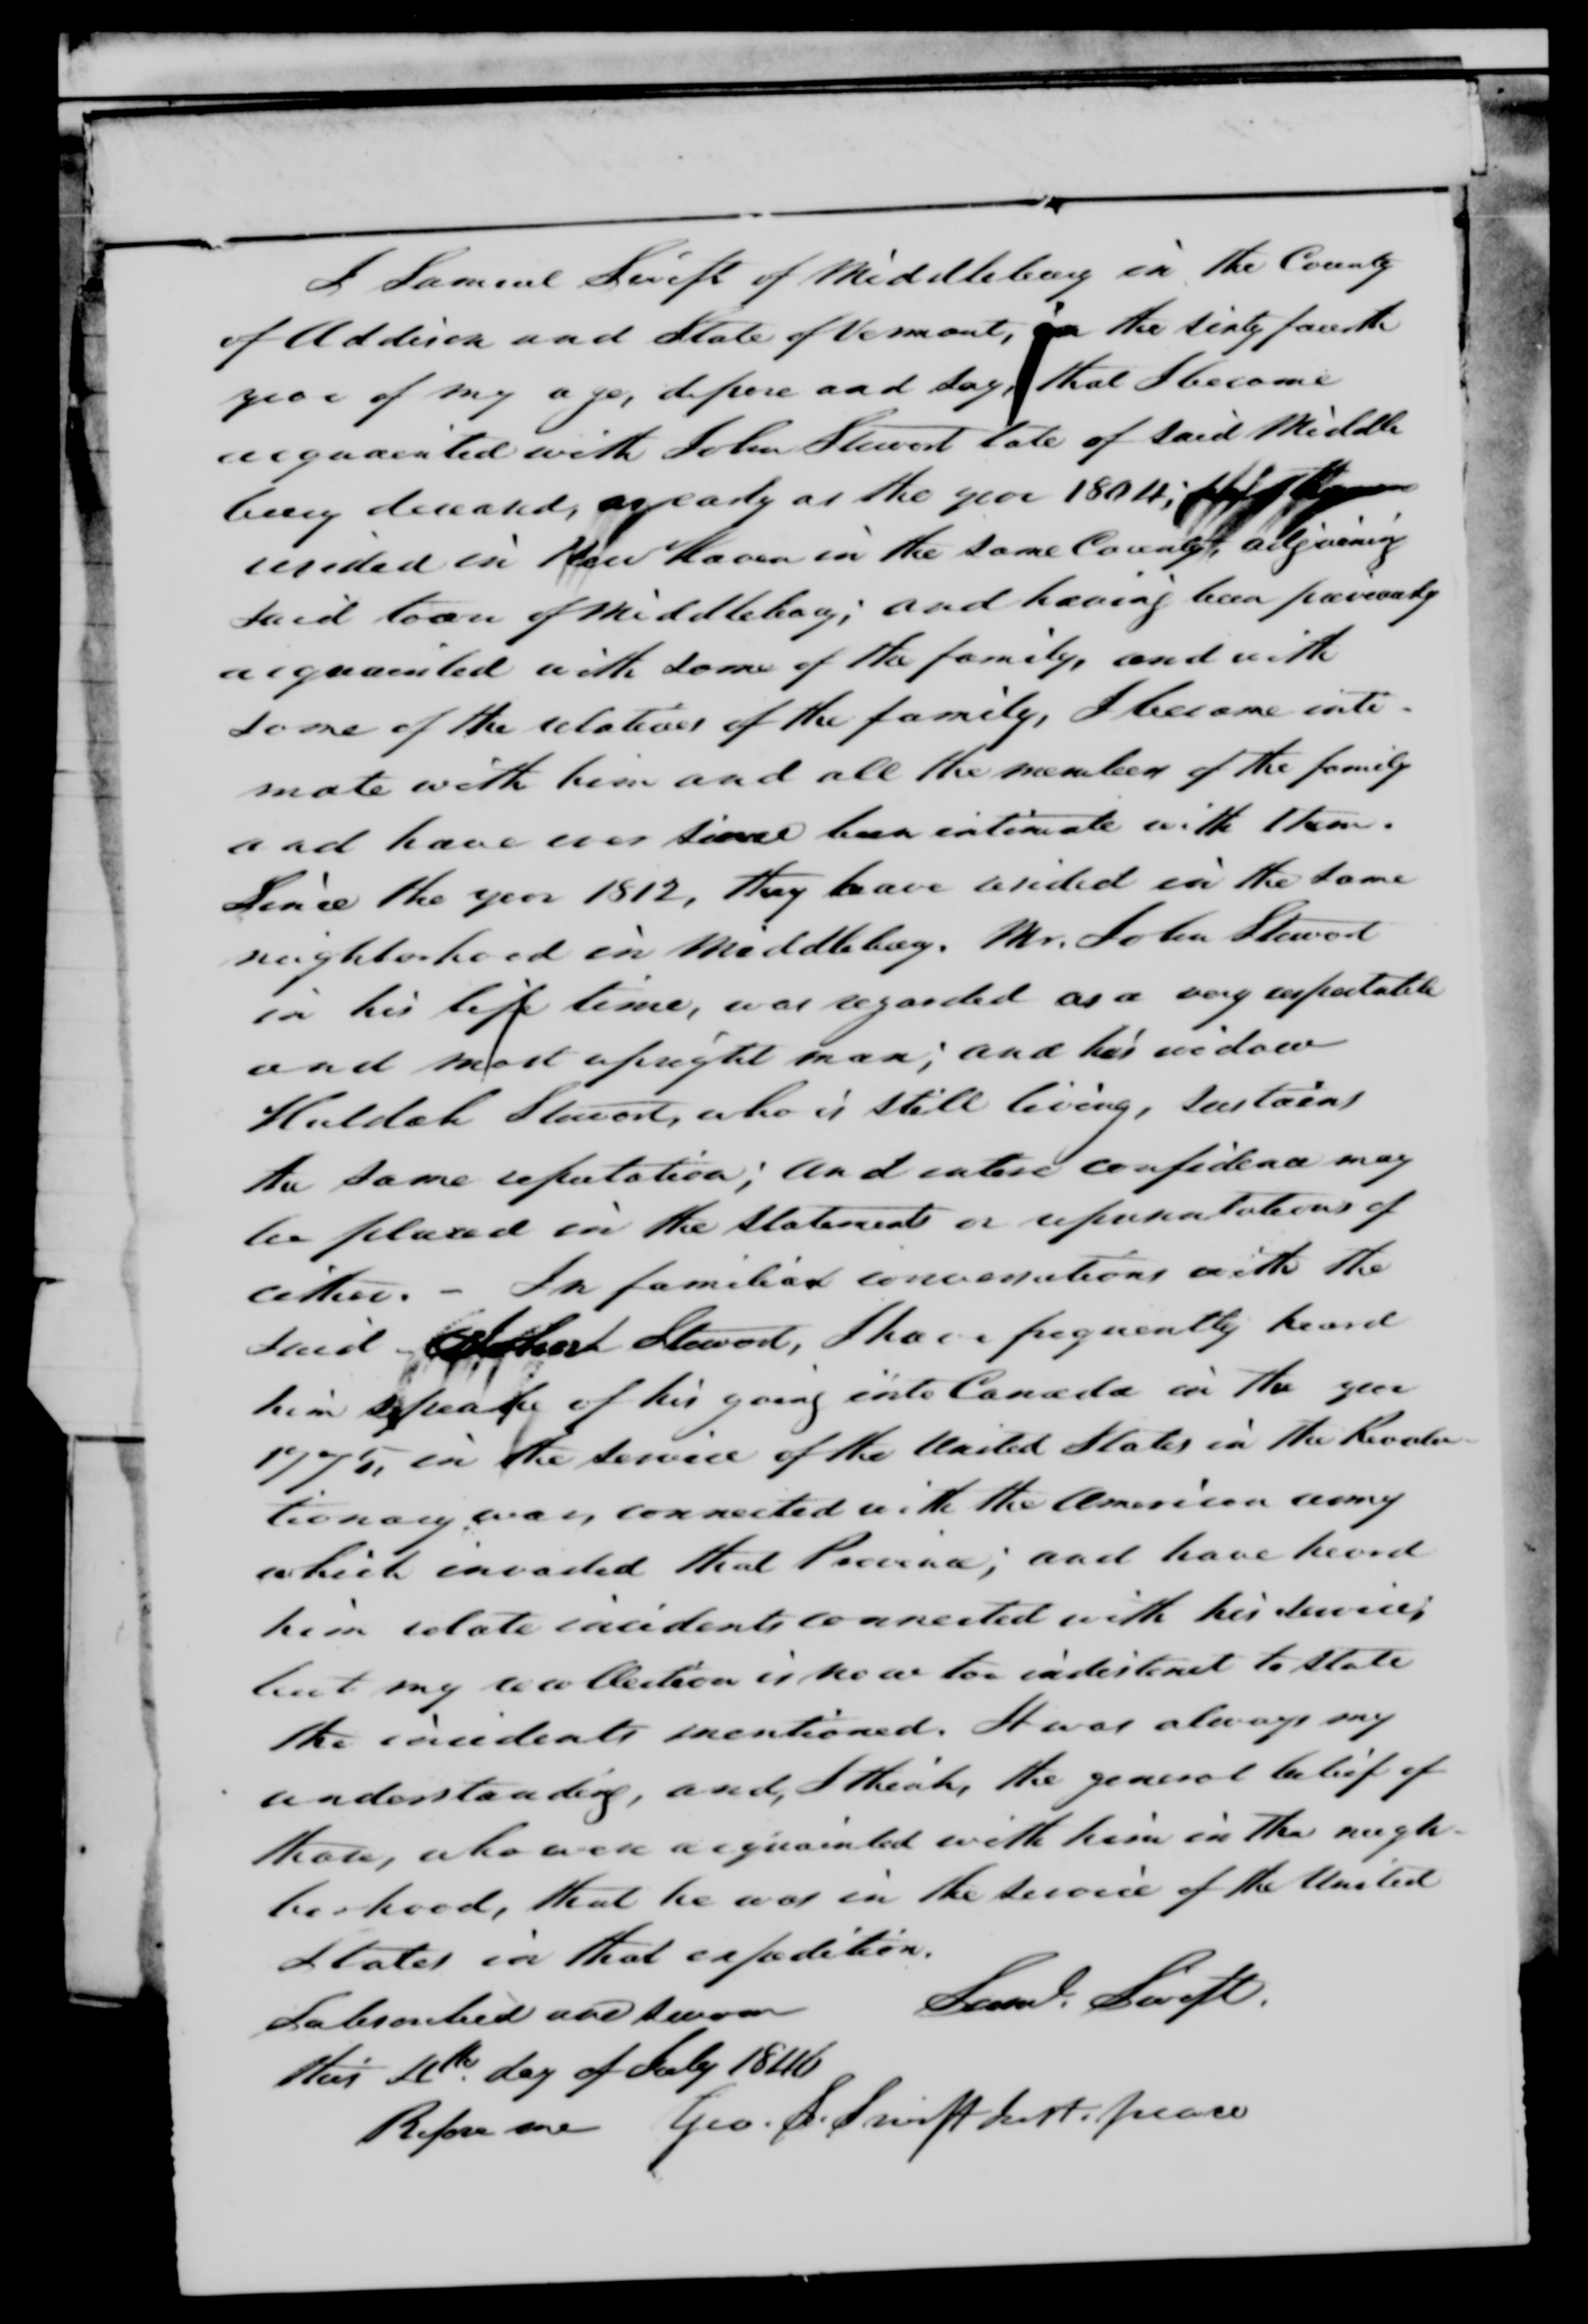Samuel Swift of Middlebury in the County
of Addison and State of Vermont, on the sixty fourth
year of my age, depose and say that I became
acquainted with John Stewart late of said Middlebury deceased, early as the year 1804.
resided in New Haven in the same County adjoining
said town of Middlebury; and having been previously
acquainted with some of the family, and with
to one of the relatives of the family. I became intimate with him and all the member of the family
and have ever since been intimate with them
Since the year 1812, they have resided in the same
neighborhood in Middlebury. Mr. John Stewart
in his life time, was regarded as a very respectable
and most upright man; and his widow
Huldah Stewart who is still living, sustains
the same reputation; and entire confidence may
be placed in the statements or reputations of
either In familiar conventions with the
said Steward, I have frequently heard
him speak of his going into Canada in the year
1775, in the service of the United States in the Revolutionary war, connected with the American any
which invaded that Province; and have heard
him relate incidents connected with his services
but my recollection is not to indistinct to State
the incidents mentioned. It was always my
understanding, and I think the general belief of
that, who were acquainted with him in the neighbourhood, that he was in the service of the United States
in that expedition.
[Signature] Saml Swift
Subscribed and sworn  
this 11th day of July 1846
Refore Geo. S. Swift Just. peace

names: Geo S Swift; John Stewart; Samuel Swift; Huldah Stewart; Saml Swift; John Stewart; John Stewart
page: 20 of 26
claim: rejected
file: R. 10,154, for John Stewart, New Hampshire